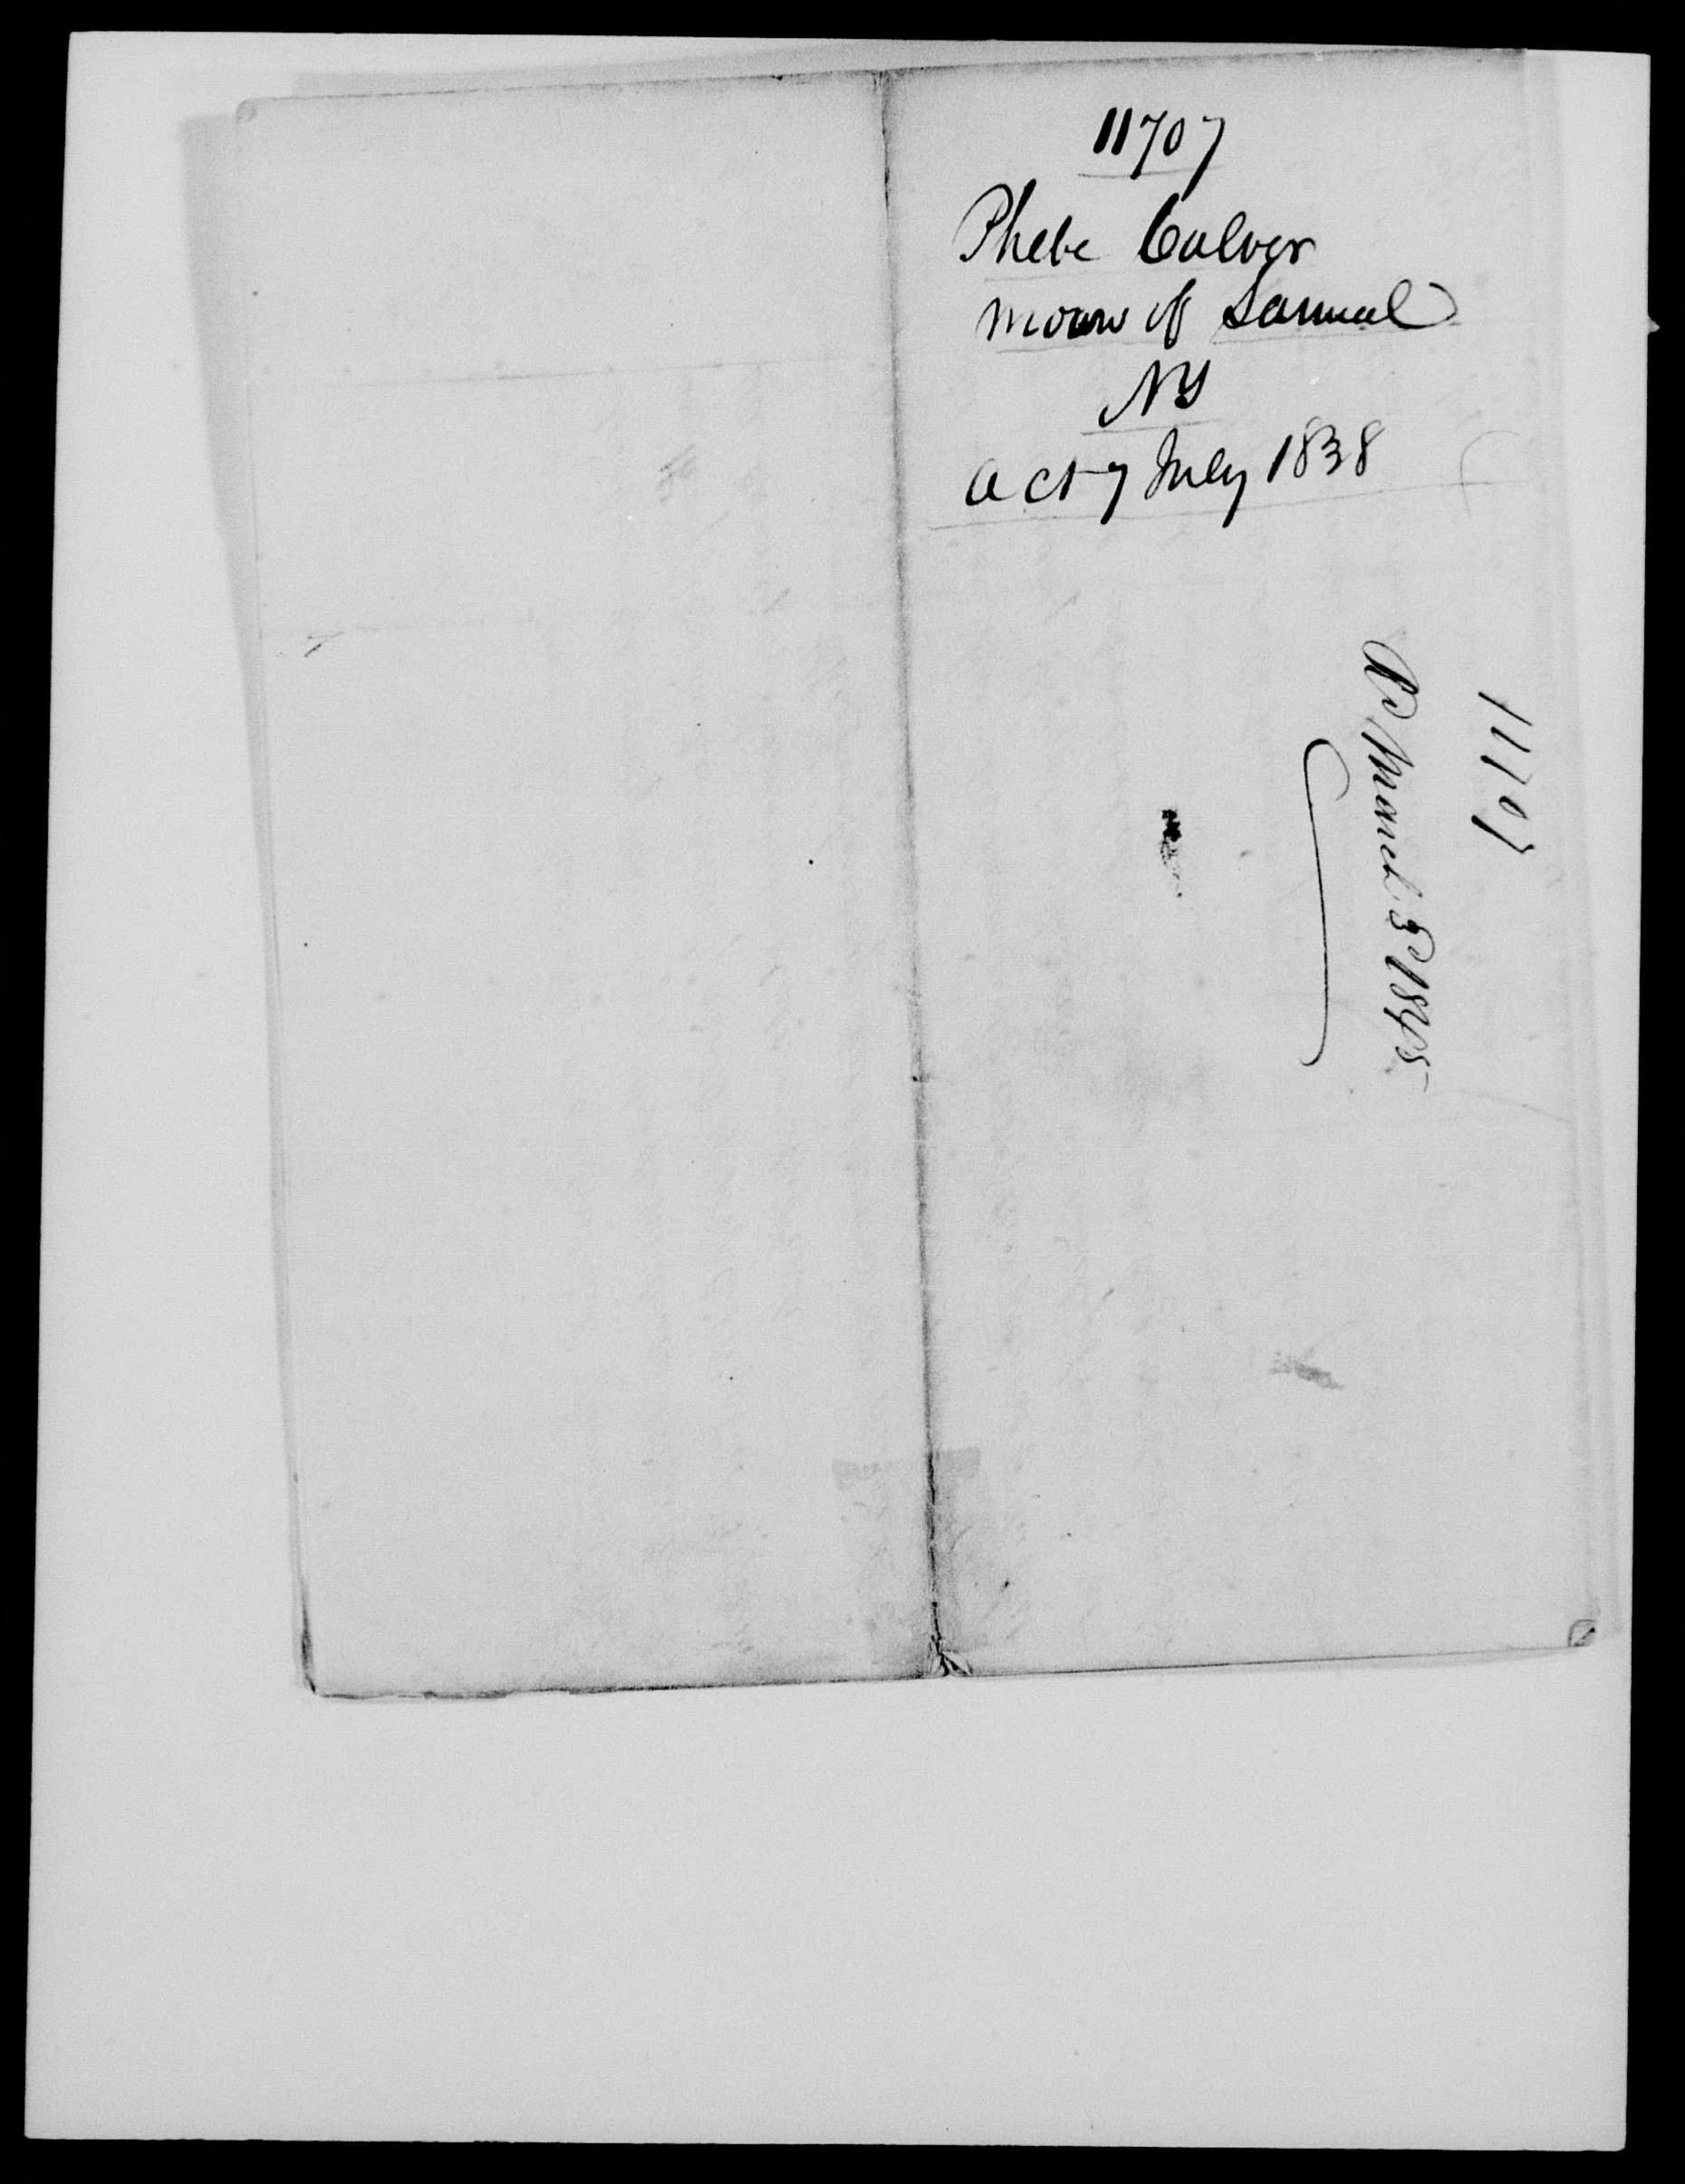11707
Phebe Culver
Widow of Samuel
NY
Act of July 1838

11107
March 5 1845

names: Phebe Culver, Samuel Culver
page: 10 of 40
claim: rejected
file: R. 1,570, Samuel Culver, New Jersey